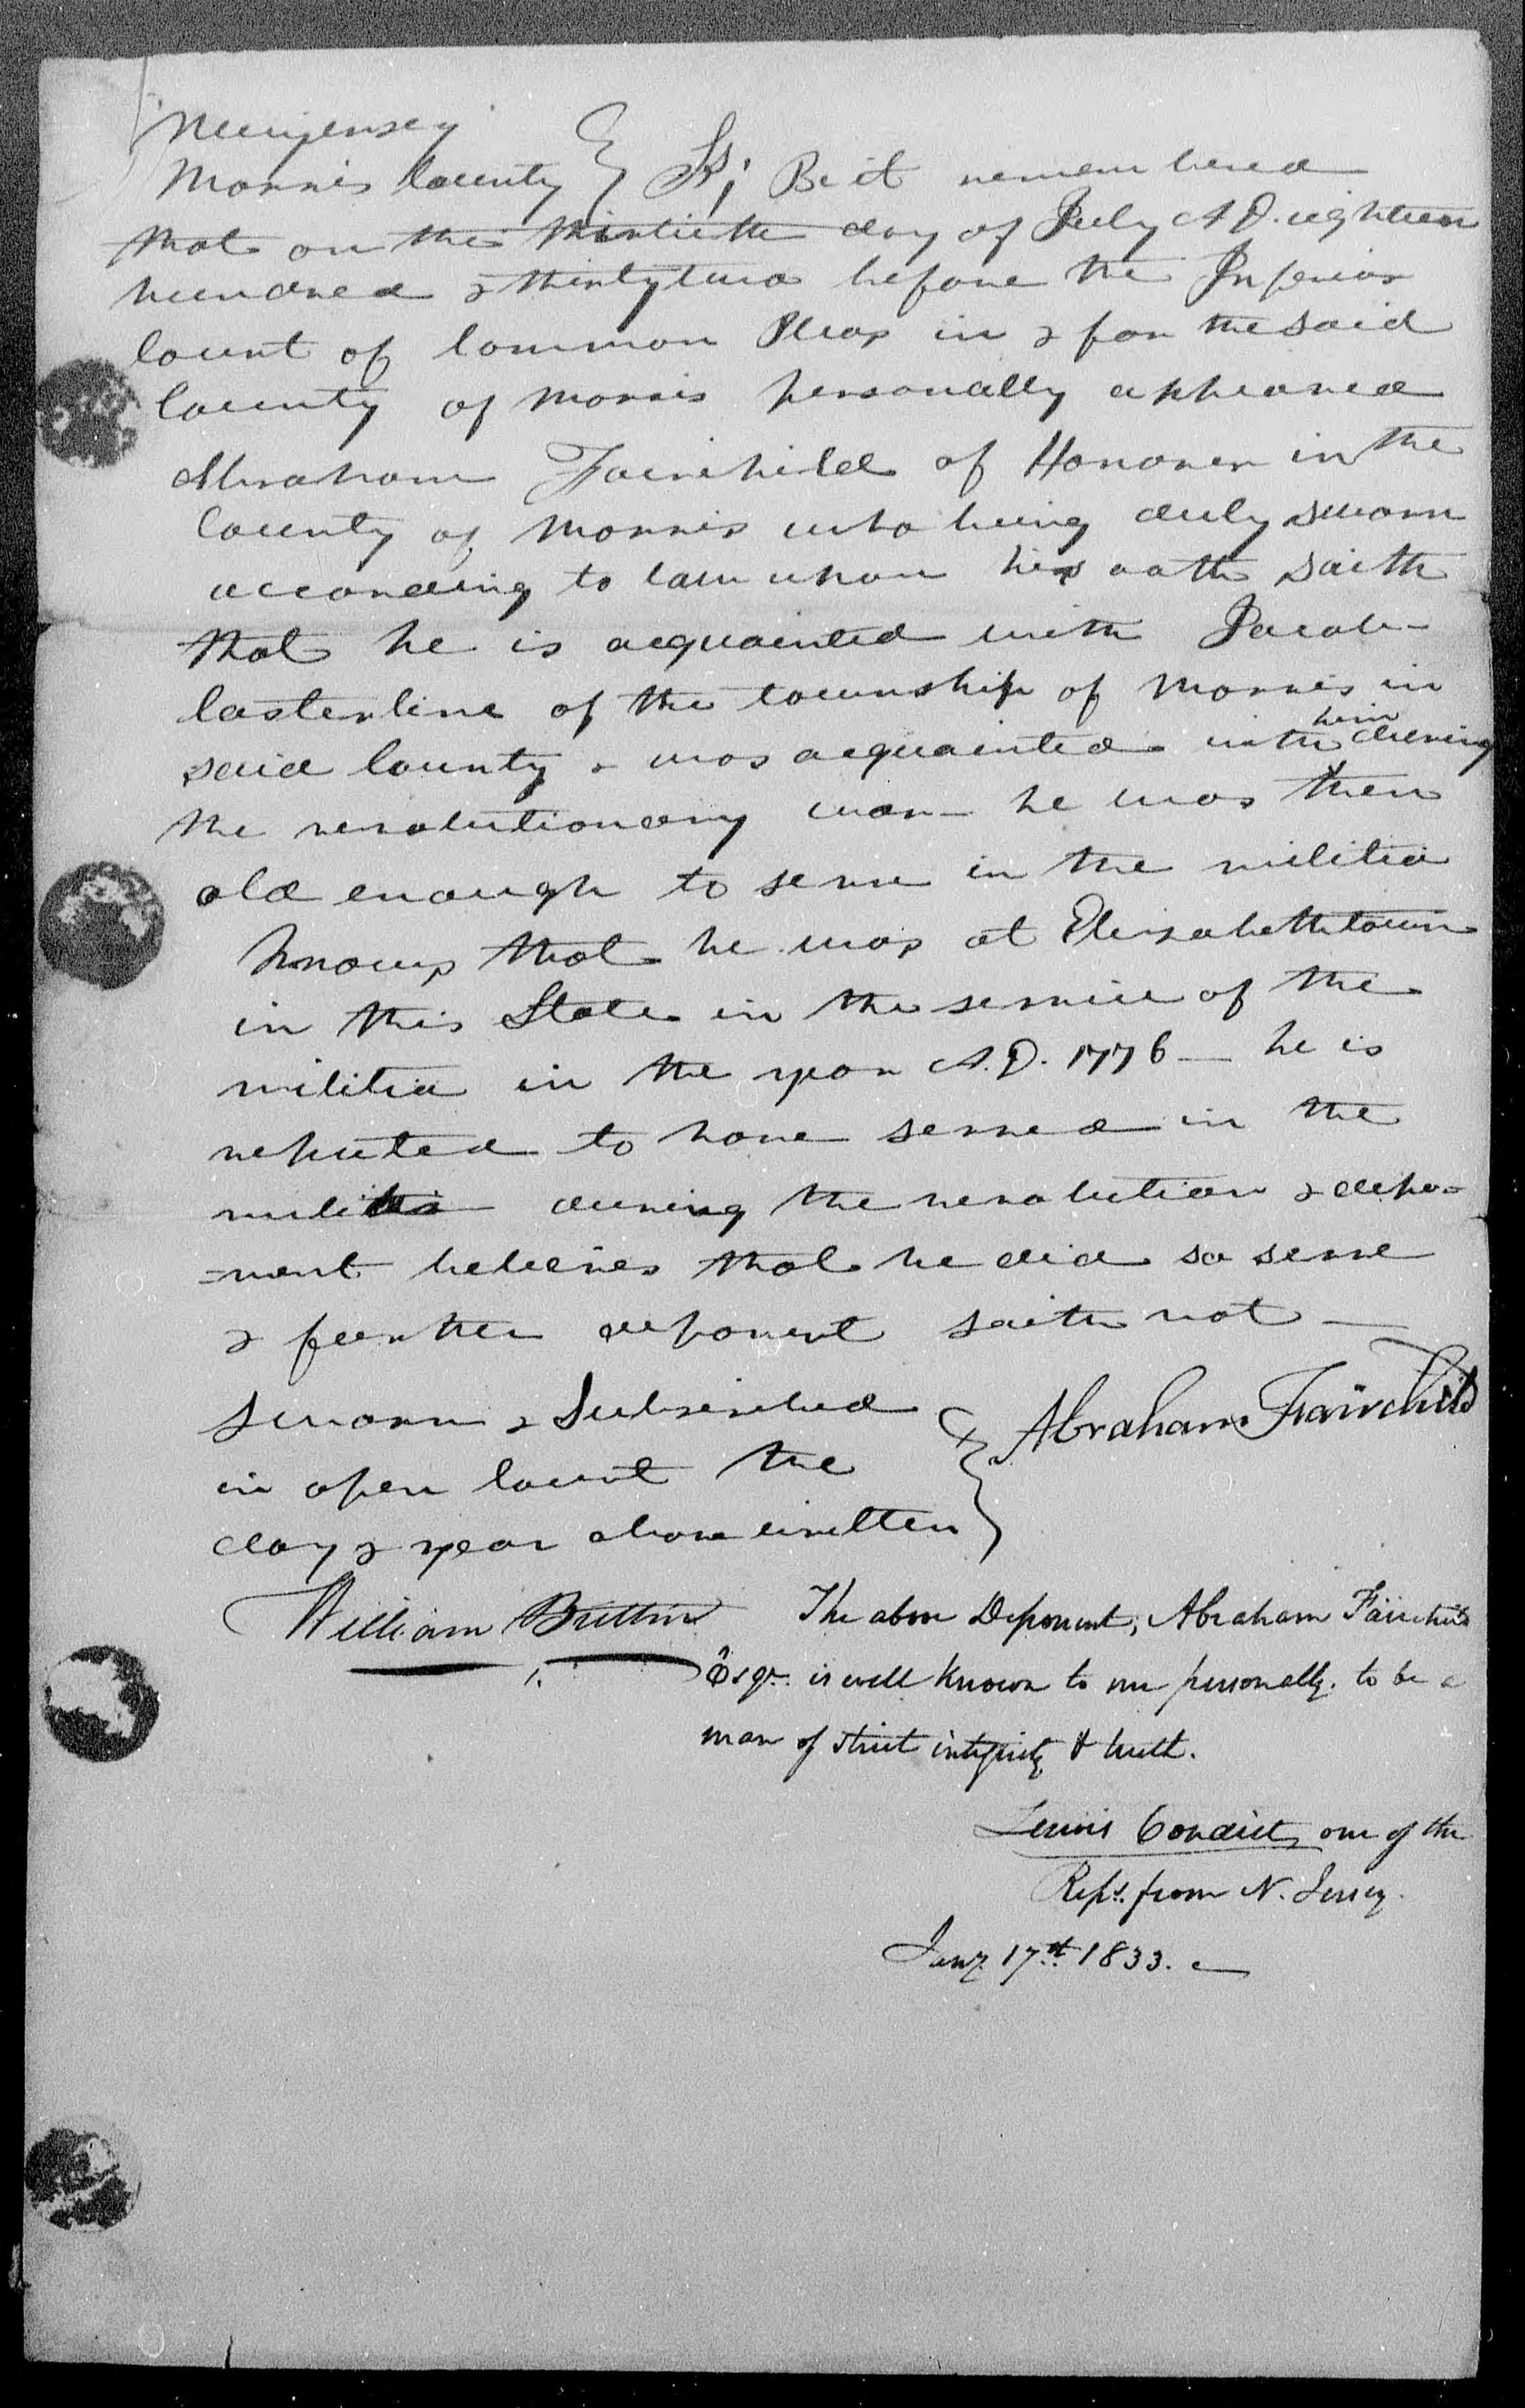New Jersey
Morris County 
Be it remembered that on this nineteenth day of July AD eighteen hundred ninety two before the inferior court of common pleas in and for the said county of Morris personally appeared Abraham Fairchild of Hanover in the County of Morris who having duly sworn according to law when his oath saith that he is acquainted with Jacob Casterline of the township of Morris in said county and was acquainted with him during the revolutionary war.  He was then old enough to service in the militia knows that he was at Elizabethtown in this state in the service of the militia in the year AD 1776 - he is reputed to have served in the militia during the revolution and deponent believes that he did so serve and further deponent saith not
Sworn and subscribed in open court the day and year above written 
Abraham Fairchild
William Brittin
The above deponent Abraham Fairchild Esq. is well know to me personally to be a man of integrity and health.
Lewis Condict one of the Reps from N. Jersey
July 17th 1833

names: Jacob Casterline, William Brittin, Abraham Fairchild, Abraham Fairchild, Abraham Fairchild, Lewis Condict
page: 20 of 38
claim: widow's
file: W. 6644, Jacob Casterline, New Jersey